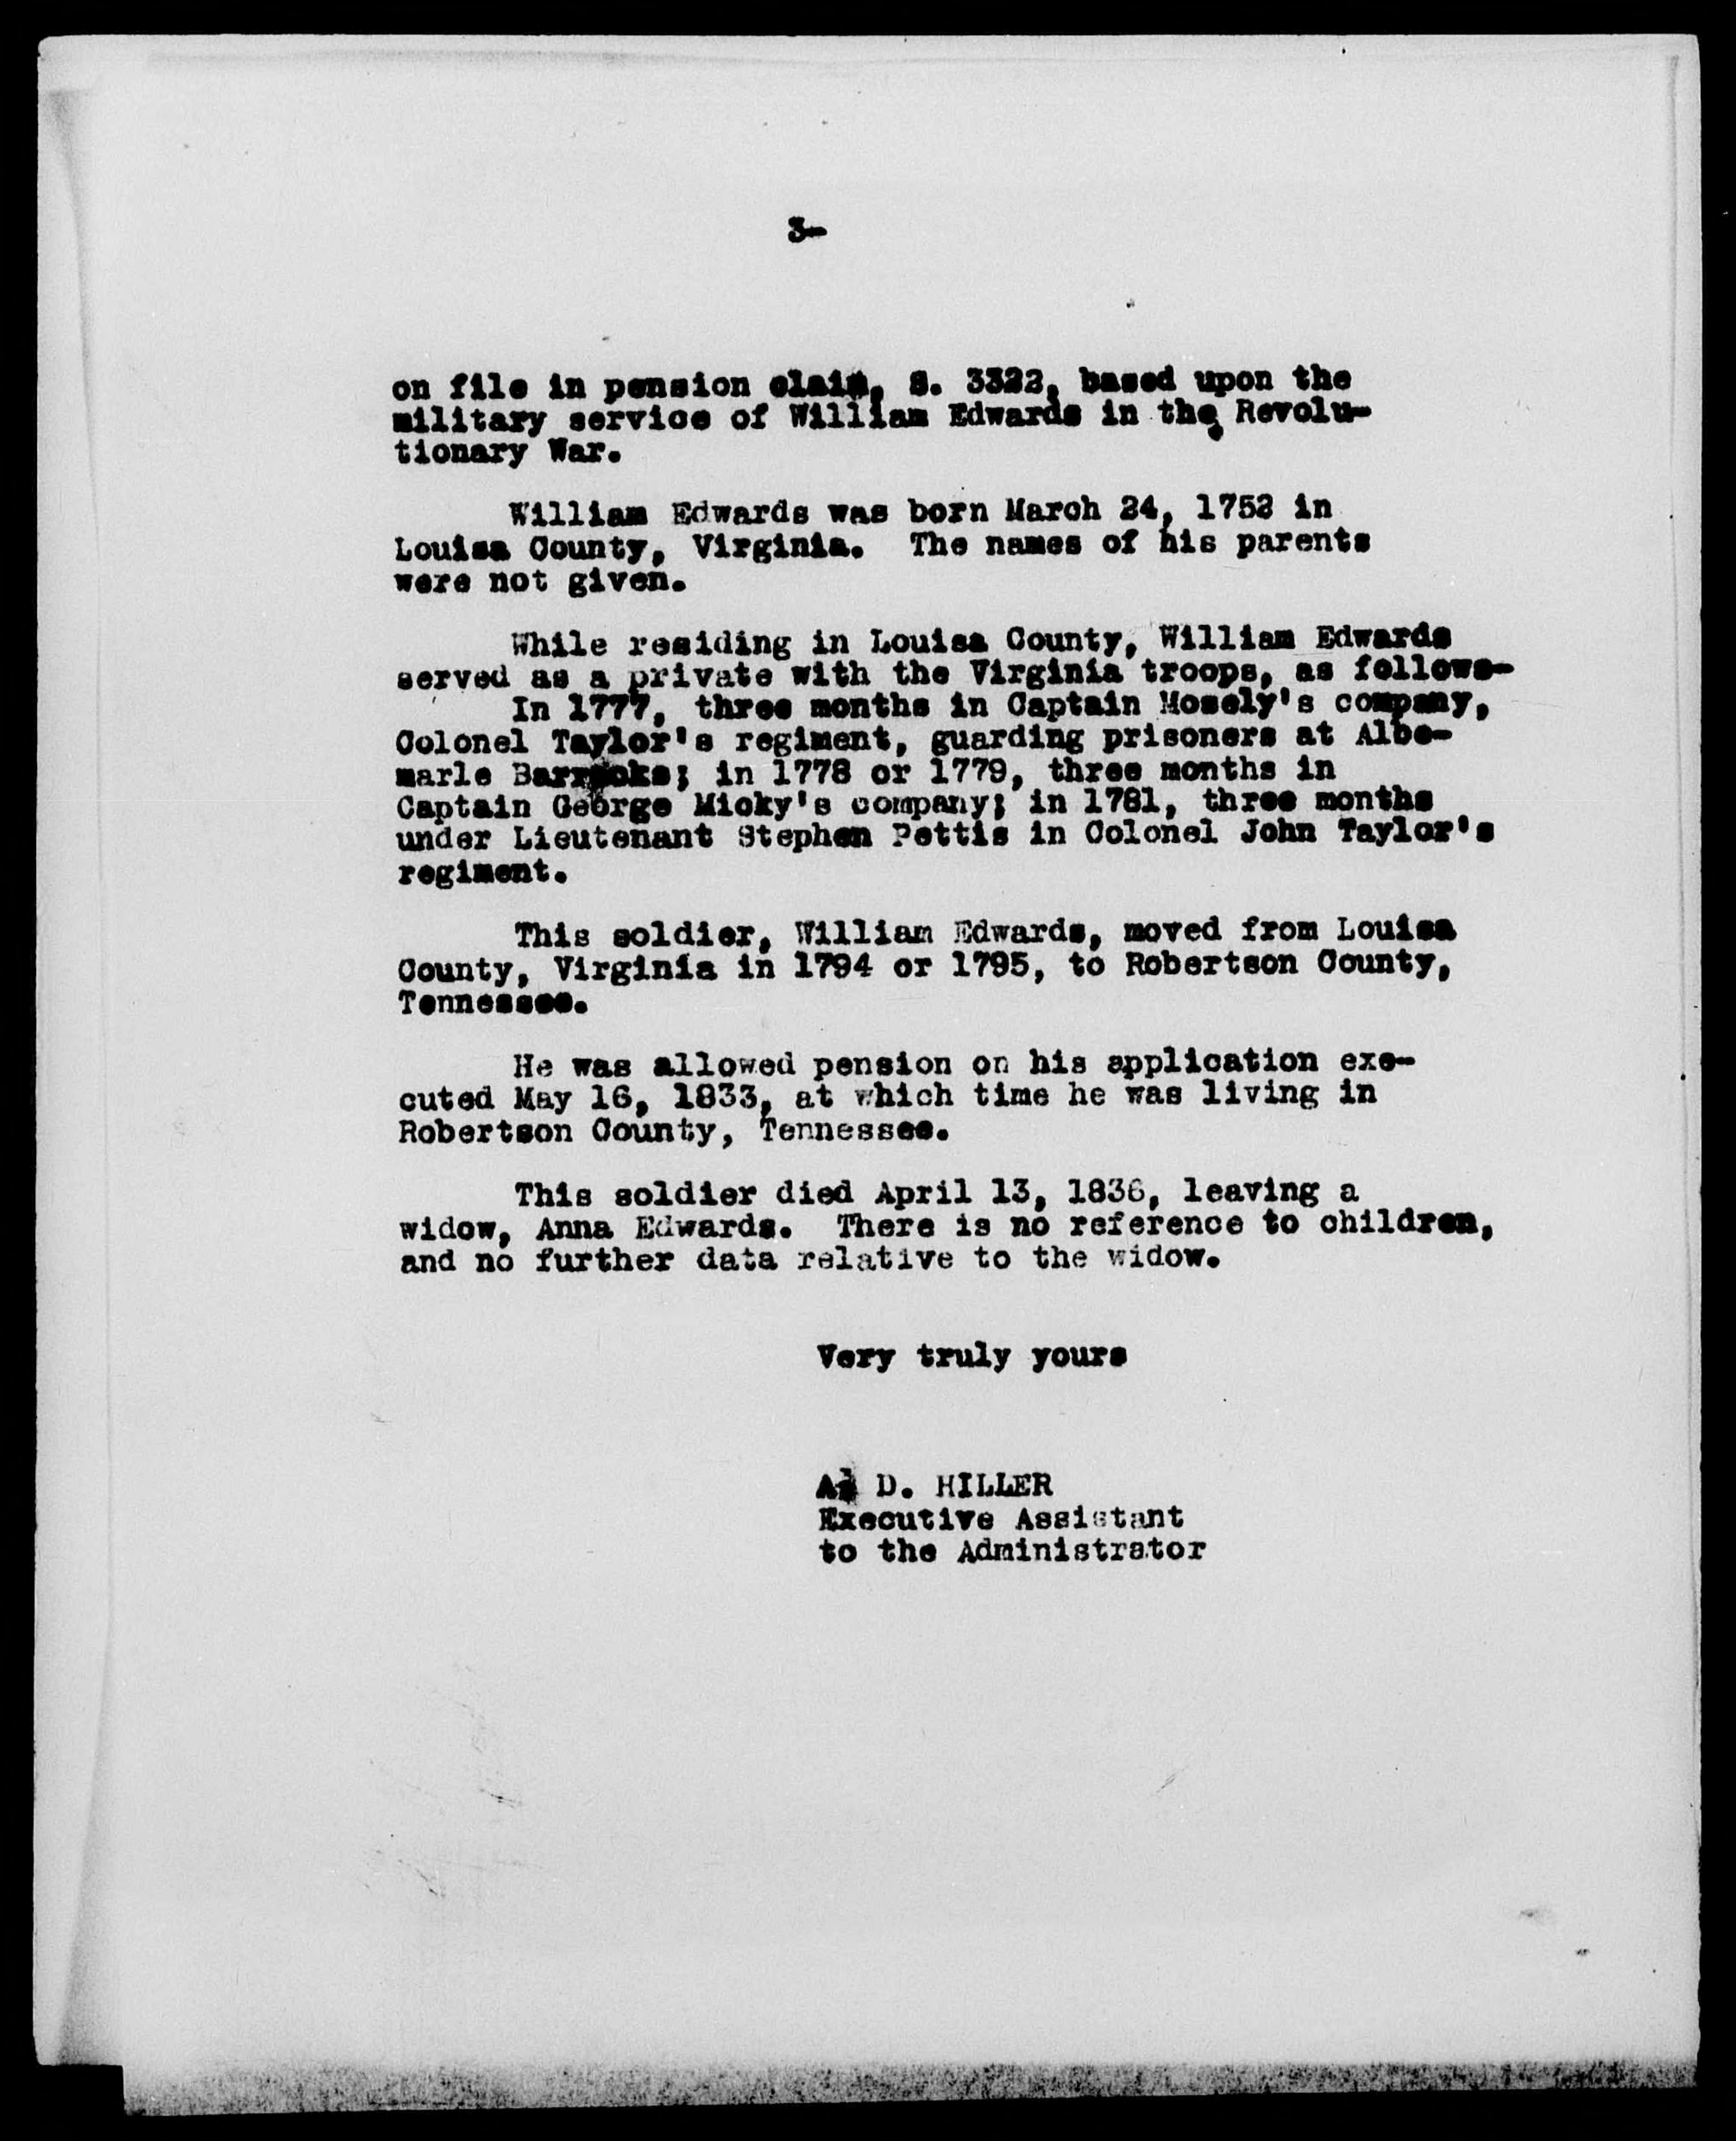3-

on file in pension claim, S. 3322, based upon the military service of William Edwards in the Revolutionary War.

William Edwards was born March 24, 1752 in Louisa County, Virginia. The names of his parents were not given.

While residing in Louisa County, William Edwards served as a private with the Virginia troops, as follows-
In 1777, three months in Captain Mosely's company, Colonel Taylor's regiment, guarding prisoners at Albemarle Barracks; in 1778 or 1779, three months in Captain George Micky's company; in 1781, three months under Lieutenant Stephen Pettis in Colonel John Taylor's regiment.

This soldier, William Edwards, moved from Louisa County, Virginia in 1794 or 1795, to Robertson County, Tennessee.

He was allowed pension on his application executed May 16, 1833, at which time he was living in Robertson County, Tennessee.

This soldier died April 13, 1836, leaving a widow, Anna Edwards. There is no reference to children, and no further data relative to the widow.

Very truly yours

A. D. HILLER
Executive Assistant
to the Administrator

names: William Edwards, William Edwards, William Edwards, Anna Edwards, William Edwards, Stephen Pettis, A D Hiller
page: 27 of 47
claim: survivor's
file: S. 3,322, William Edwards, Va.